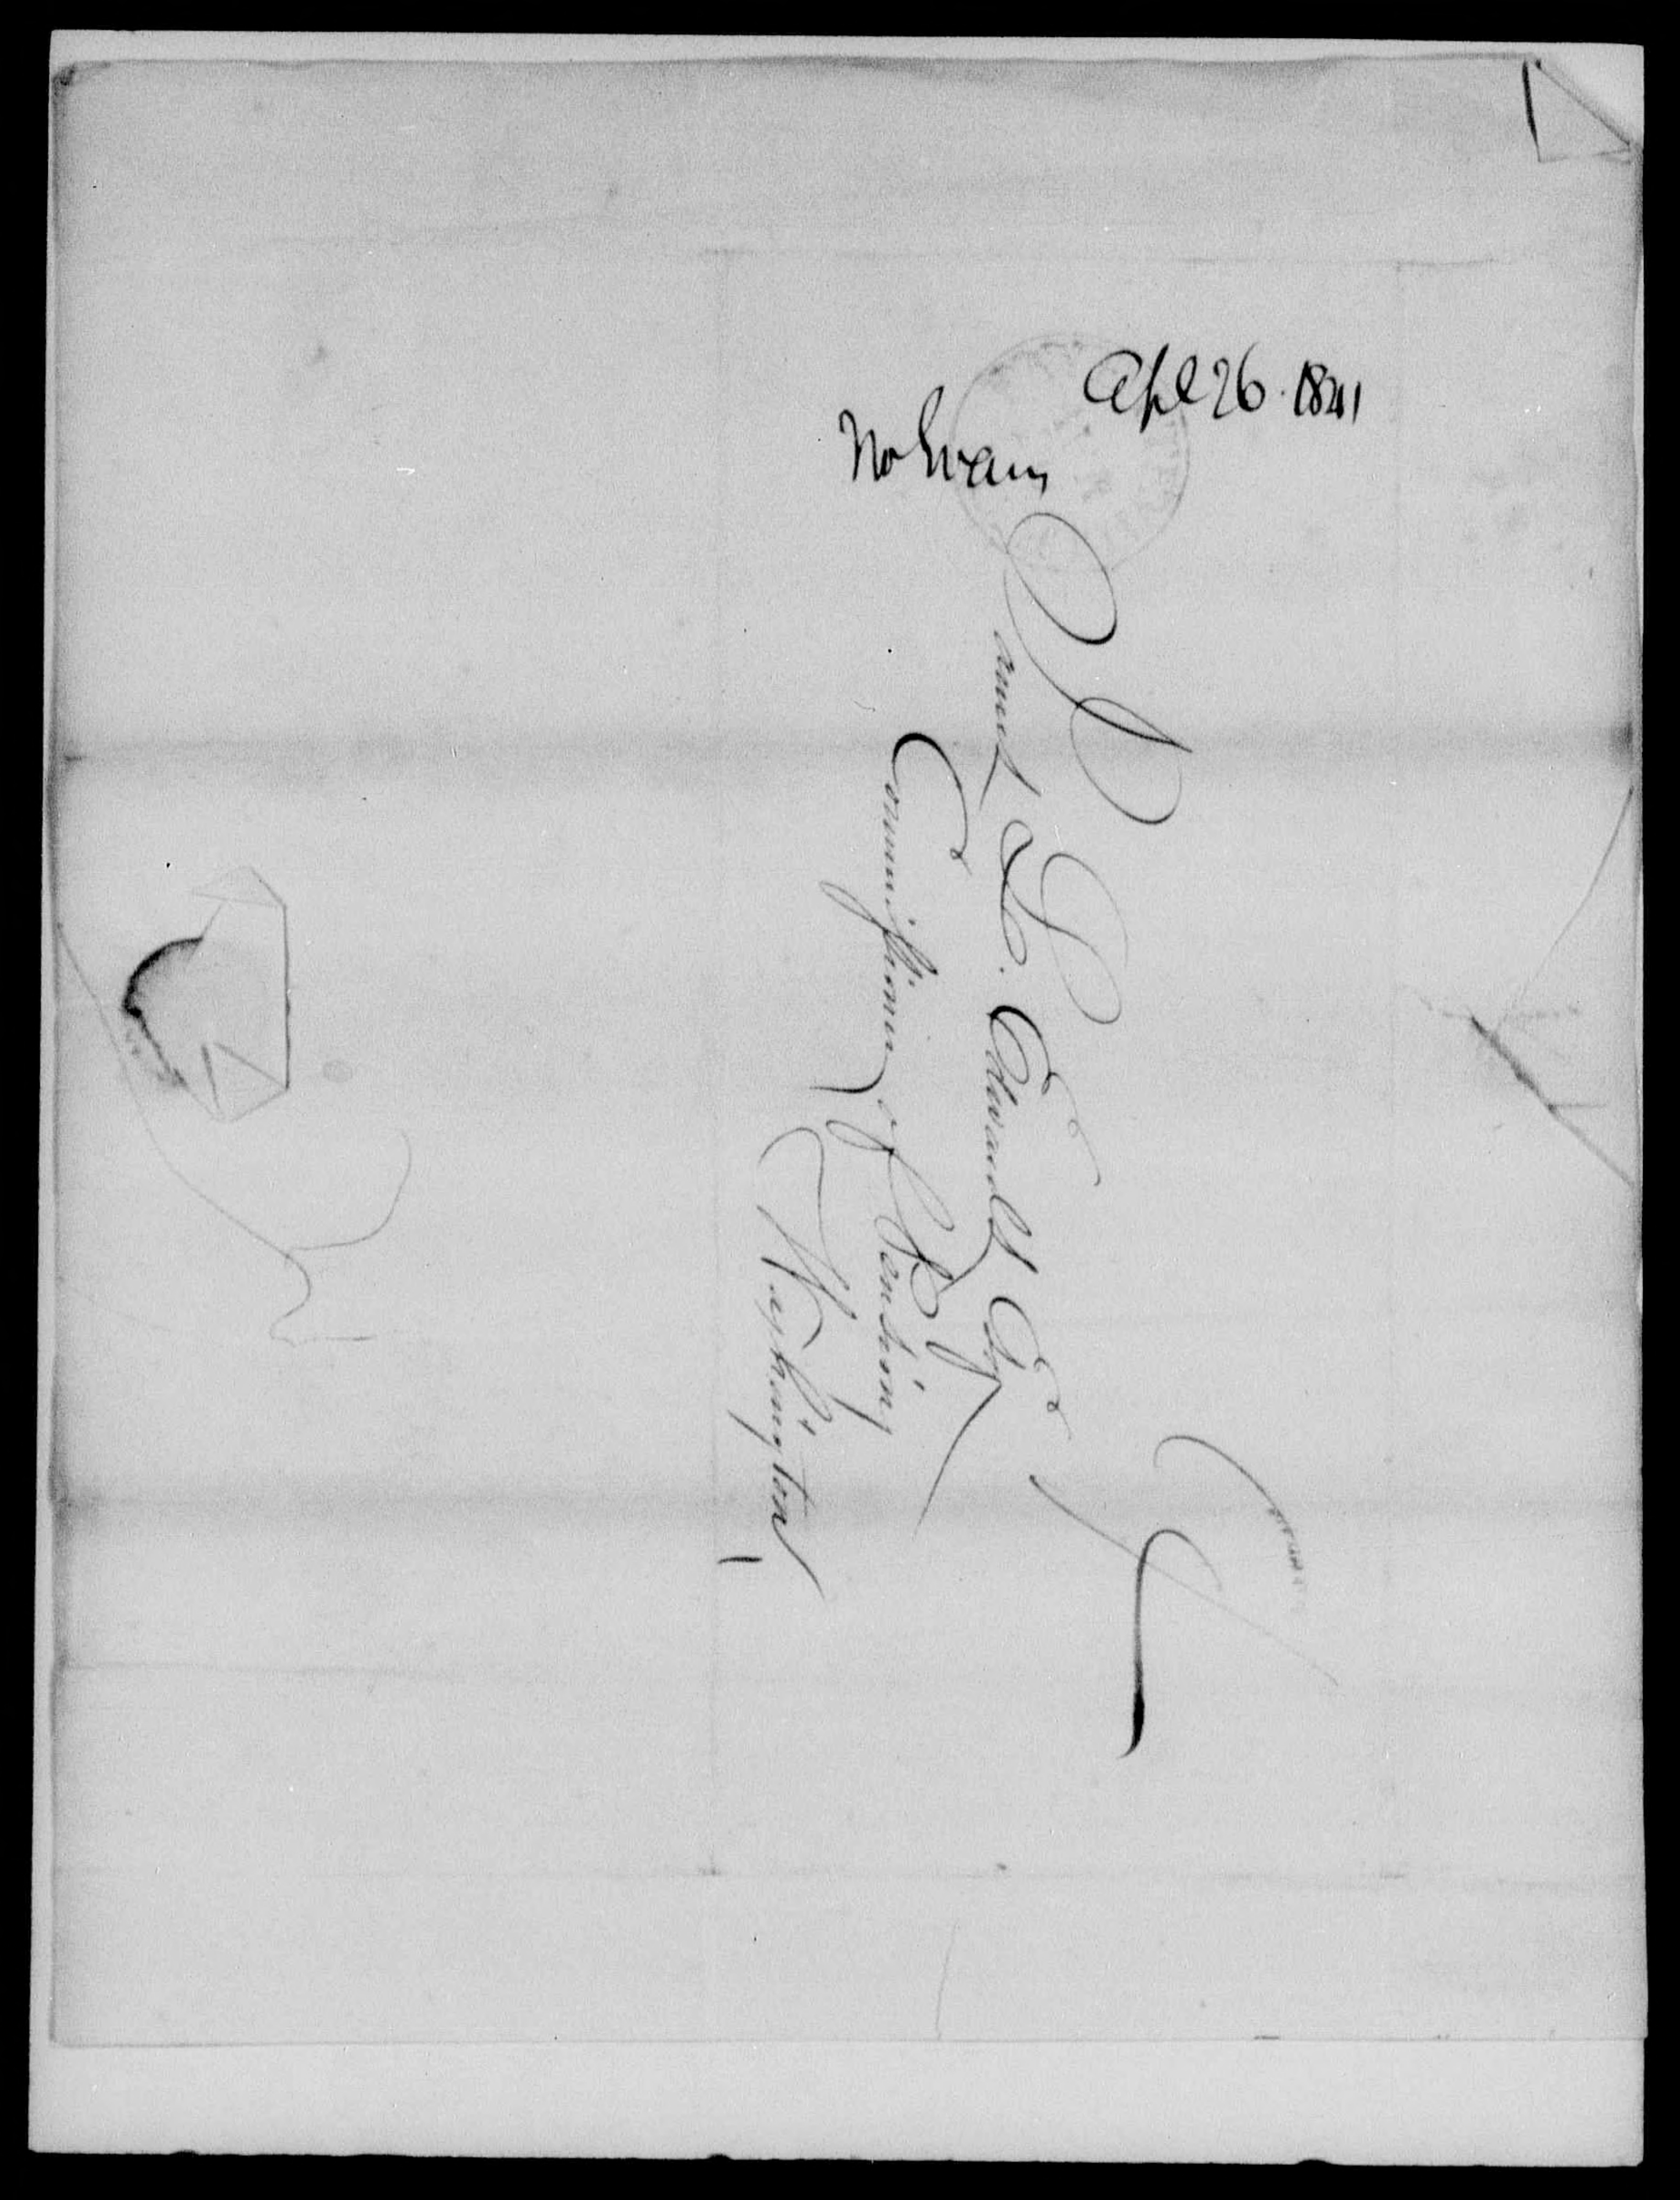Apr 26. 1841
No Warn
[Stamp Illegible]
James L. Edwards Esq.
Commissioner of Pensions
Washington

[seal under address]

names: James L Edwards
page: 14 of 16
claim: survivor's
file: S. 8207, James Clark, N.C.